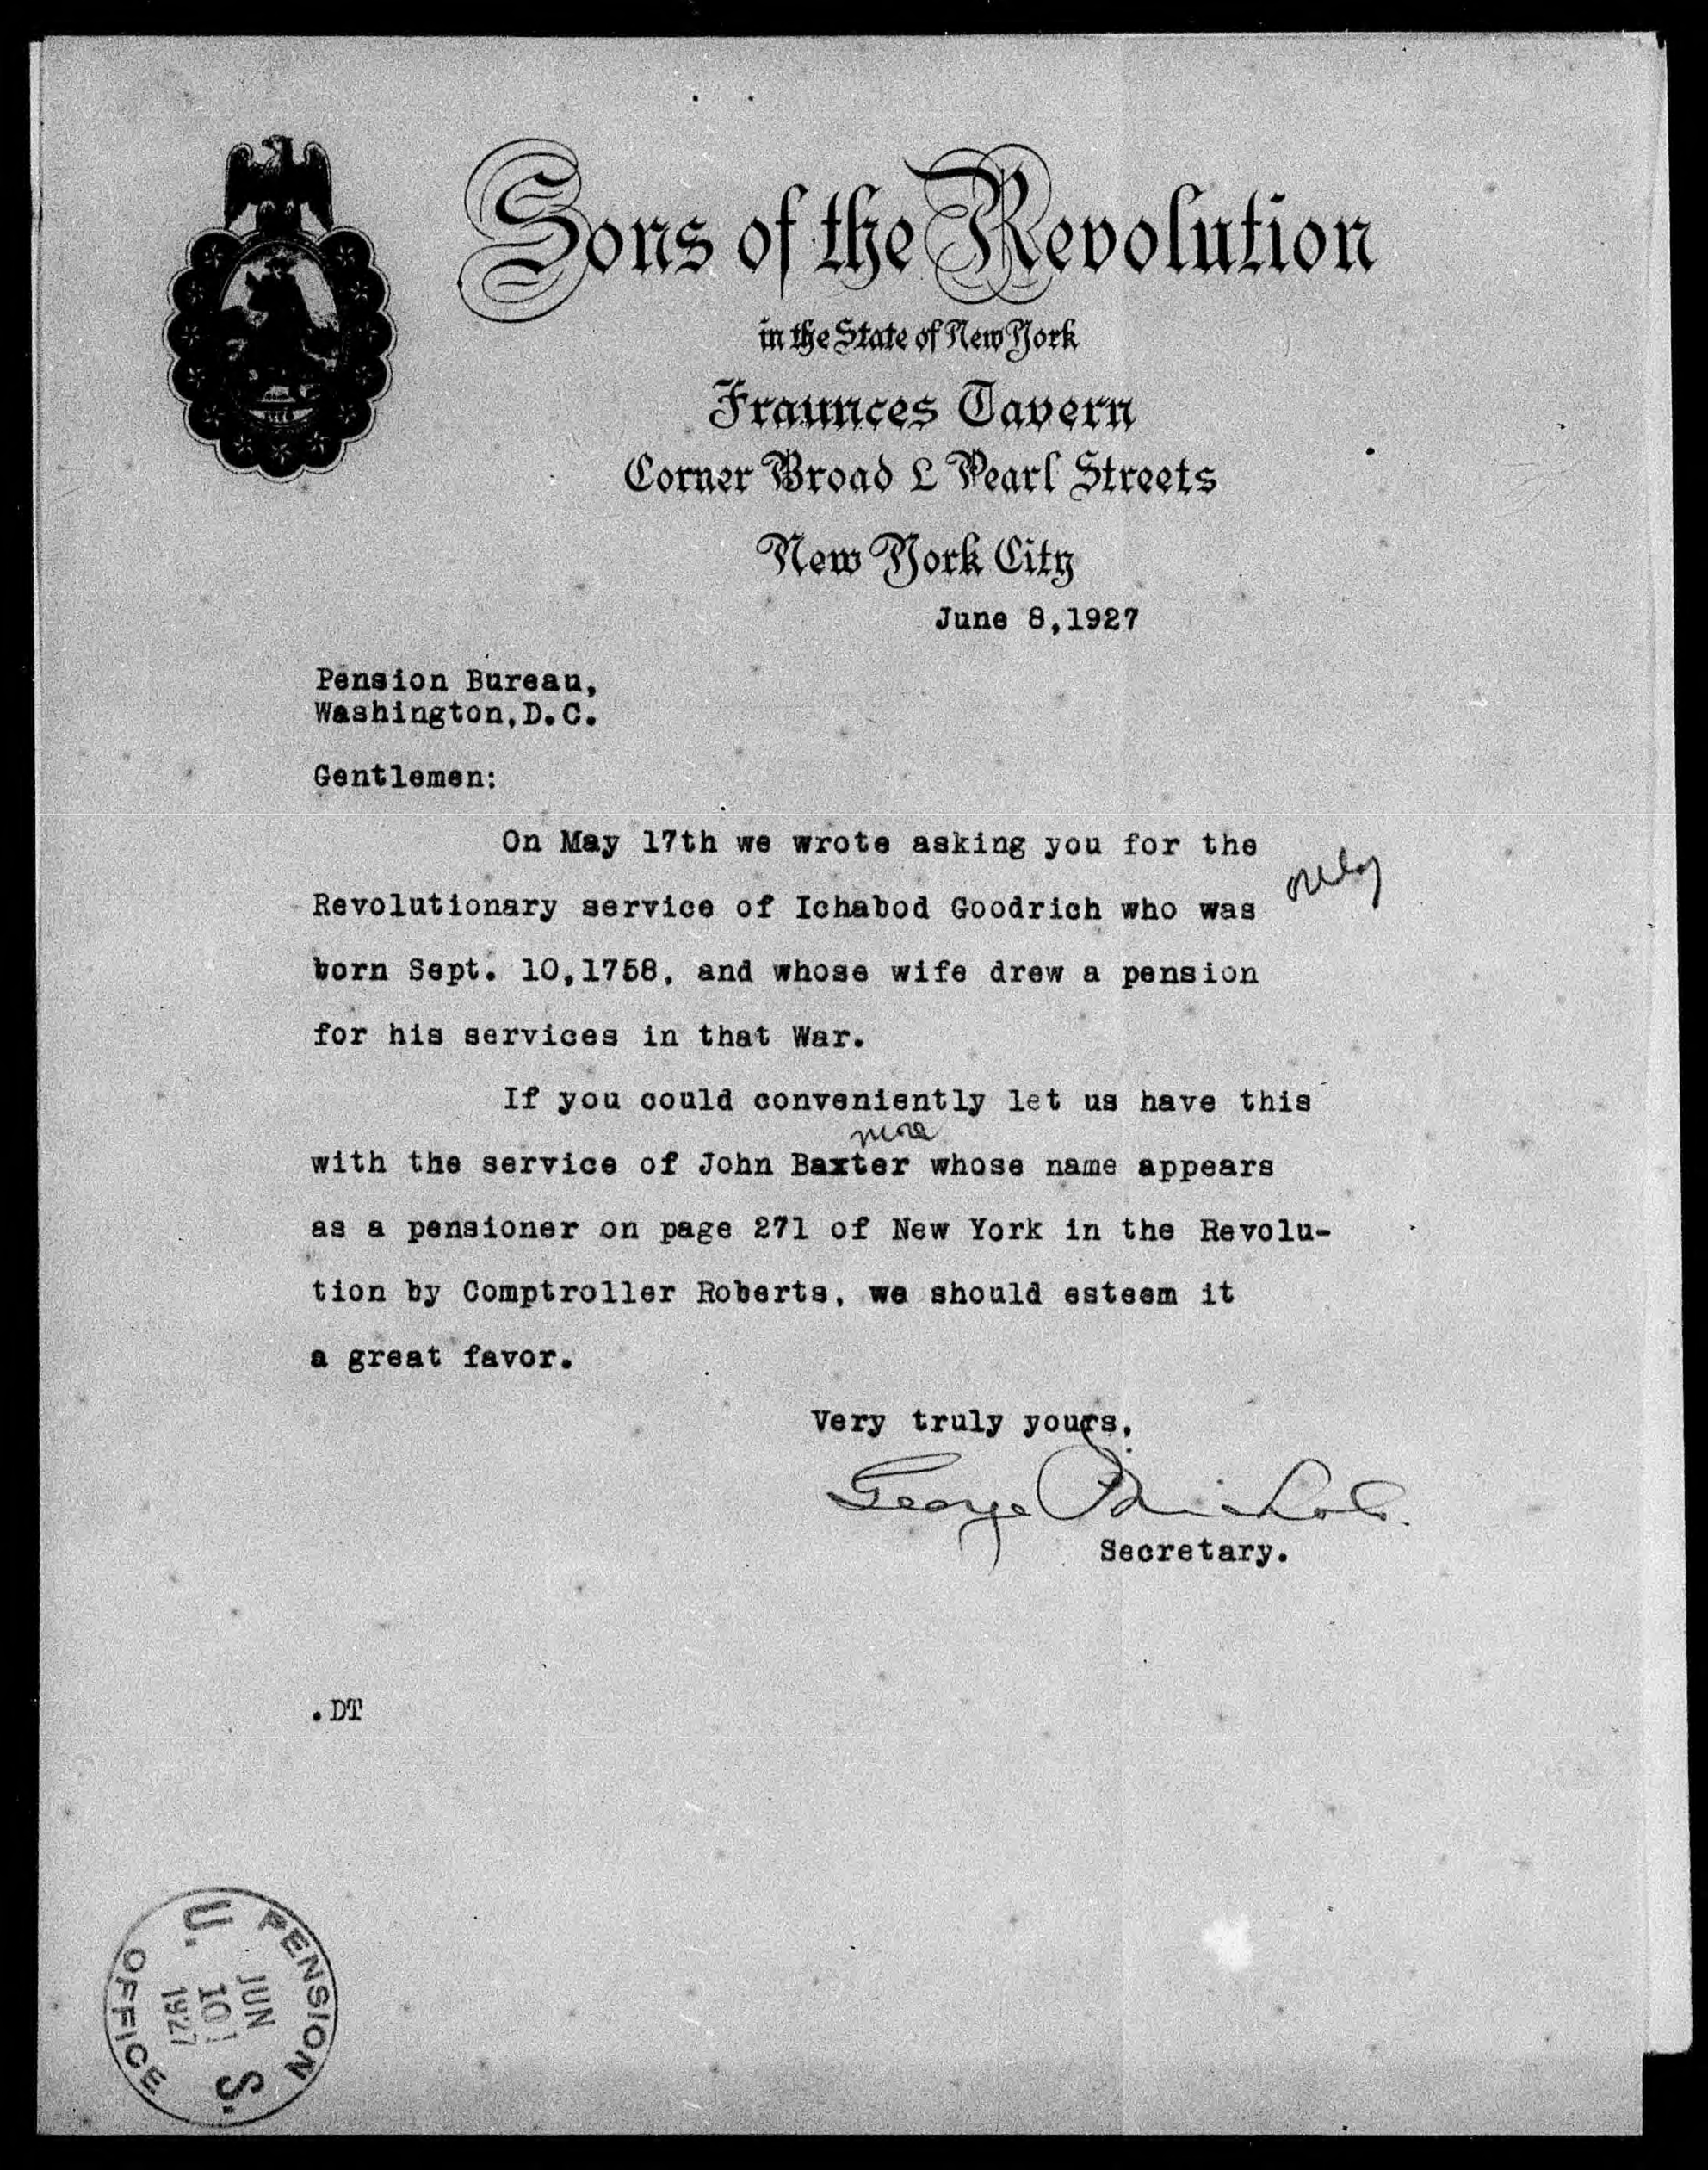Sons of the Revolution
in the State of New York

Fraunces Tavern
Corner Broad & Pearl Streets
New York City

June 8, 1927

Pension Bureau,
Washington, D. C.

Gentlemen:
On May 17th we wrote asking you for the Revolutionary service of Ichabod Goodrich who was born Sept. 10, 1758, and whose wife drew a pension for his services in that War.

If you could conveniently let us have this with the service of John Baxter whose name appears as a pensioner on page 271 of New York in the Revolution by Comptroller Roberts, we should esteem it a great favor.

Very truly yours,
George P. Nichols
Secretary

[stamped]
U. S. 
PENSION
OFFICE
JUNE 10 1927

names: Roberts, John Baxter, Ichabod Goodrich, George P Nichols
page: 15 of 46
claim: survivor's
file: S. 36,556, Ichabod Goodrich, Conn.